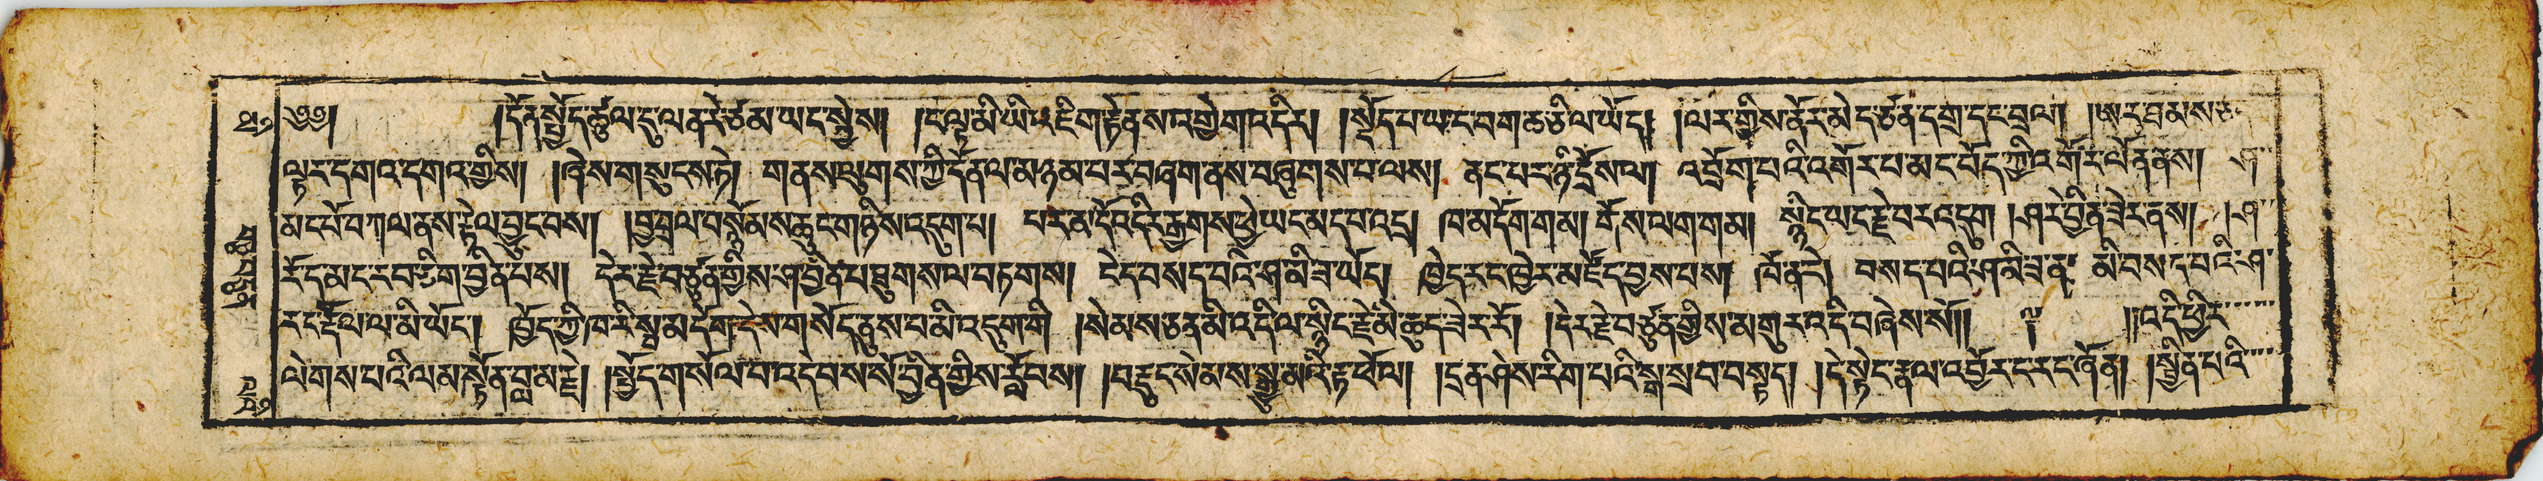དོན་སྤྱོད་ཚུལ་དུ་ལན་རེ་ཙམ་ཡང་སྐྱེས། །ད་ལྟ་མི་ཡི་འཇིག་རྟེན་ས་འགྱེག་འདིར། །སྡོད་པ་ཡ་ང་བག་ཚ་ཅི་ལ་ཡོད། །ལར་གྱིས་ནོར་མེད་ཙ་ན་དགྲ་དང་བྲལ། །ཨར་༼པ༽ཐམས་ཅད་
ལྟར་དགའ་དགའ་གྱིས། །ཞེས་གསུངས་ཏེ། གནས་ལུགས་ཀྱི་དོན་ལ་མཉམ་པར་བཞག་ནས་བཞུགས་པ་ལས། ནང་པར་ཉི་དྲོས་ལ། འབྲོག་པའི་འགོར་པ་མང་བོད་ཀྱི་འགོར་ལོན་ནས། 
མང་པོ་བཀལ་ནས་རྟོལ་བྱུང་བས། །བྱ་བྲལ་བ་སྙོམས་ཆུང་གཉིས་འདུག་པ། པར་མ་དོ་འདིར་རྒྱགས་ཕྱེ་ཡང་མེད་པ་འདྲ། ཁ་མདོག་གམ། གོས་ལག་གམ། སྙིང་ཡང་རྗེ་བརའདུག །ཤ་རེ་བྱིན་ཟེར་ནས། །ཤ་
རོད་མང་རབ་ཅིག་བྱིན་པས། དེར་རྗེ་བཙུན་གྱིས་ཤ་བྱིན་པ་ཐུགས་ལ་བཏགས། ངེད་བསད་པའི་ཤ་མི་ཟ་ཡོད། ཁྱེད་རང་ཁྱེར་མཛོད་བྱས་པས། ཁོ་ན་རེ། བསད་པའི་ཤ་མི་ཟ་ན་མི་བསད་པའི་ཤ་
རང་རྡོལ་ལ་མི་ཡོང་། ཁྱོད་ཀྱི་ཁ་རི་སྦ་མདོག་དེས་གསོད་ནུས་པ་མི་འདུག་གི །སེམས་ཅན་མི་འདི་ལ་སྙིང་རྗེ་མི་ཆུད་ཟེར་རོ། །དེར་རྗེ་བཙུན་གྱིས་མགུར་འདི་བཞེས་སོ།། ༈ །།འདི་ཕྱིར་་་་་
ལེགས་པའི་ལམ་སྟོན་བླ་མ་རྗེ། །སྤྱོད་གསོལ་བ་འདེབས་སོ་བྱིན་གྱིས་རློབས། །བརྡུང་སེམས་སྒྱུ་མའི་རྟ་ཕོ་ལ། །དྲན་ཤེས་རིག་པའི་སྒ་སྲབ་བསྟད། །དེ་སྟེང་རྣལ་འབྱོར་ང་རང་ཞོན། །སྦྱིན་པའི